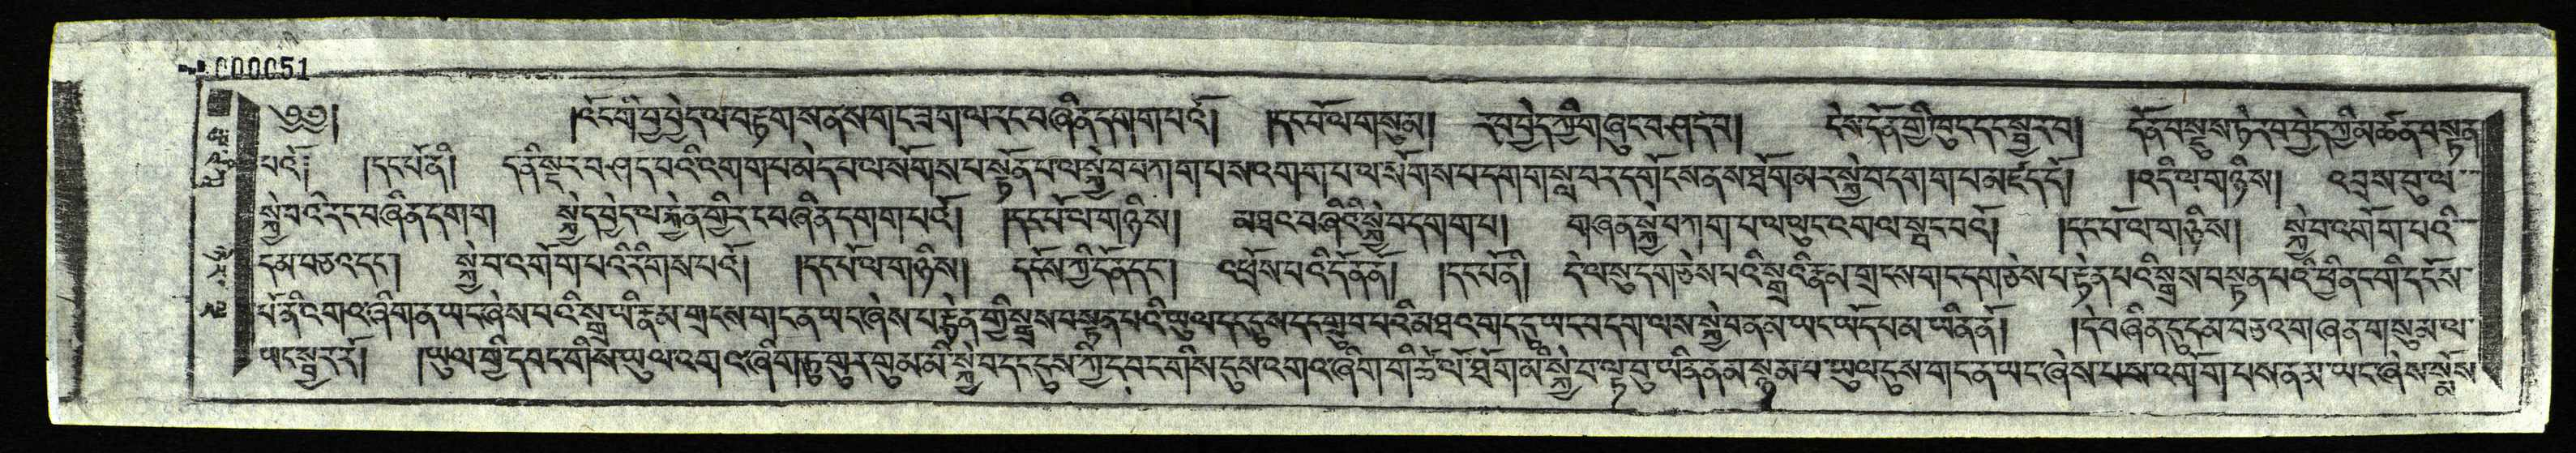༄༅། །འོང་གི་བྱ་བྱེད་ལ་བརྟགས་ནས་གང་ཟག་ལ་རང་བཞིན་དགག་པའོ། །དང་པོ་ལ་གསུམ། རབ་བྱེད་ཀྱི་གཞུང་བཤད་པ། ངེས་དོན་གྱི་ཁུང་དང་སྦྱར་བ། དོན་བསྡུས་ཏེ་རབ་བྱེད་ཀྱི་མཚན་བསྟན་
པའོ༑ །དང་པོ་ནི། ད་ནི་སྔར་བཤད་པའི་འགག་པ་མེད་པ་ལ་སོགས་པ་སྟོན་པ་ལ་སྐྱེ་བ་བཀག་པས་འགག་པ་ལ་སོགས་པ་དགག་སླ་བར་དགོངས་ནས་ཐོག་མར་སྐྱེ་བ་དགག་པ་མཛད་དོ། །འདི་ལ་གཉིས། འབྲས་བུ་ལ་
སྐྱེ་བའི་རང་བཞིན་དགག་སྐྱེད་བྱེད་ལ་རྐྱེན་གྱི་རང་བཞིན་དགག་པའོ། །དང་པོ་ལ་གཉིས། མཐའ་བཞིའི་སྐྱེ་བ་དགག་པ། གཞན་སྐྱེ་བཀག་པ་ལ་ལུང་འགལ་སྤང་བའོ། །དང་པོ་ལ་གཉིས། སྐྱེ་བ་འགོག་པའི་
དམ་བཅའ་དང་། སྐྱེ་བ་འགོག་པའི་རིགས་པའོ། །དང་པོ་ལ་གཉིས། དངོས་ཀྱི་དོན་དང་། འཕྲོས་པའི་དོན་ནོ། །དང་པོ་ནི། དེ་ལ་སུ་དག་ཅེས་པའི་སྒྲའི་རྣམ་གྲངས་གང་དག་ཅེས་པ་རྟེན་པའི་སྒྲས་བསྟན་པའི་ཕྱི་ནང་གི་དངོས་
པོ་ནི་འགའ་ཞིག་ན་ཡང་ཞེས་པའི་སྒྲ་ཡི་རྣམ་གྲངས་གང་ན་ཡང་ཞེས་པ་རྟེན་གྱི་སྒྲས་བསྟན་པའི་ཡུལ་དང་དུས་དང་གྲུབ་པའི་མཐའ་གང་དུ་ཡང་བདག་ལས་སྐྱེ་བ་ནམ་ཡང་ཡོད་པ་མ་ཡིན་ནོ། །དེ་བཞིན་དུ་དམ་བཅའ་གཞན་གསུམ་ལ་
ཡང་སྦྱར་རོ། །ཡུལ་གྱི་དབང་གིས་ཡུལ་འགའ་ཞིག་ཏུ་གུར་གུམ་མི་སྐྱེ་བ་དང་དུས་ཀྱི་དབང་གིས་དུས་འགའ་ཞིག་གི་ཚེ་ལོ་ཐོག་མི་སྐྱེ་བ་ལྟ་བུ་ཡིན་ནམ་སྙམ་པ་ཡུལ་དུས་གང་ན་ཡང་ཞེས་པས་འགོག་པས་ནམ་ཡང་ཞེས་སྨོས་